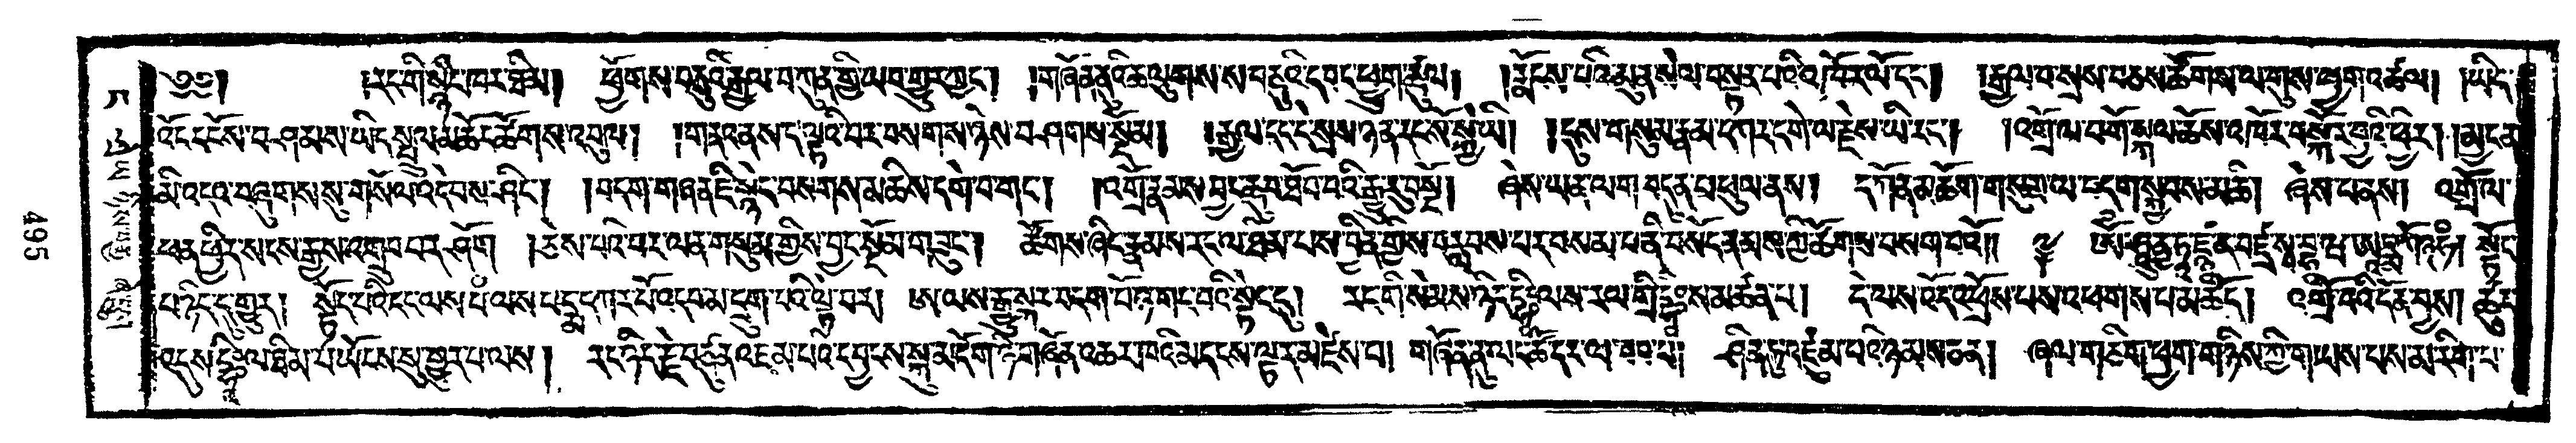༄༅། །རང་གི་སྙིང་ཁར་ཐིམ། ཕྱོགས་བཅུའི་རྒྱལ་བ་ཀུན་གྱི་ཡབ་གྱུར་ཀྱང་། །གཞོན་ནུའི་ཆ་ལུགས་ས་བཅུའི་དབང་ཕྱུག་ཚུལ། །རྨོངས་པའི་མུན་སེལ་བསྟན་པའི་འཁོར་ལོ་དང་། །རྒྱལ་བ་སྲས་བཅས་ཚོགས་ལ་གུས་ཕྱག་འཚལ། །ཡིད་
འོང་དངོས་བཤམས་ཡིད་སྤྲུལ་མཆོད་ཚོགས་འབུལ། །གནའ་ནས་ད་ལྟའི་བར་བསགས་ཉེས་བཤགས་སྔོམ། །རྒྱལ་དང་དེ་སྲས་ཉན་རང་སོ་སྐྱེ་ཡི། །དུས་གསུམ་རྣམ་དཀར་དགེ་ལ་རྗེས་ཡི་རང་། །འགྲོ་ལ་བགོ་སྐལ་ཆོས་འཁོར་བསྐོར་བྱའི་ཕྱིར། །མྱ་ངན་
མི་འདའ་བཞུགས་སུ་གསོལ་འདེབས་ཤིང་། །བདག་གཞན་ཇི་སྙེད་བསགས་མཆིས་དགེ་བ་གང་། །འགྲོ་རྣམས་བྱང་ཆུབ་ཐོབ་བའི་རྒྱུ་རུ་བསྔོ། །ཞེས་ཡན་ལག་བདུན་པ་ཕུལ་ནས། །དཀོན་མཆོག་གསུམ་པ་བདག་སྐྱབས་མཆི། ཞེས་པ་ནས། །འགྲོ་ལ་
ཕན་ཕྱིར་སངས་རྒྱས་འགྲུབ་པར་ཤོག །ཅེས་པའི་བར་ལན་གསུམ་གྱིས་བྱང་སྔོམ་གཟུང་། ཚོགས་ཞིང་རྣམས་རང་ལ་ཐིམ་པས་བྱིན་གྱིས་བརླབས་པར་བསམ་པ་ནི་བསོད་ནམས་ཀྱི་ཚོགས་བསག་བའོ།། ༈ ཨོཾ་ཤཱུ་ནྱ་ཏཱ་ཛྙཱ་ན་བཛྲ་སྭ་བྷ་ཝ་ཨཱདམ་ཀོཉཧཾ། སྟོང་
པ་ཉིད་དུ་གྱུར། སྟོང་པའི་ངང་ལས་པཾ་ལས་པདམ་དཀར་པོ་འདབ་མ་དྲུག་པའི་ལྟེ་བར། ཨ་ལས་རྒྱུ་སྐར་བདག་པོ་ཉ་གང་བའི་སྟེང་དུ། རང་གི་སེམས་ཉིད་དྷཱིཿལས་རལ་གྲི་དྷཱིཿ ས་མཚན་པ། དེ་ལས་འོད་འཕྲོས་པས་འཕགས་པ་མཆོད། འགྲོ་བའི་དོན་བྱས། ཚུང་
འདུས་དྷཱིཿལ་ཐིམ་པ་ཡོངས་སུ་གྱུར་པ་ལས། རང་ཉིད་རྗེ་བཙུན་འཇམ་པའི་དབྱངས་སྐུ་མདོག་ཉི་གཞོན་འཆར་ཁའི་མདངས་ལྟར་མཛེས་བ། གཞོན་ནུ་ལང་ཚོ་དང་ལ་བབ་པཾ། ཤིན་ཏུ་འཛུམ་པའི་ཉམས་ཅན། ཞལ་གཅིག་ཕྱག་གཉིས་ཀྱི་གཡས་པས་མ་རིག་པ་